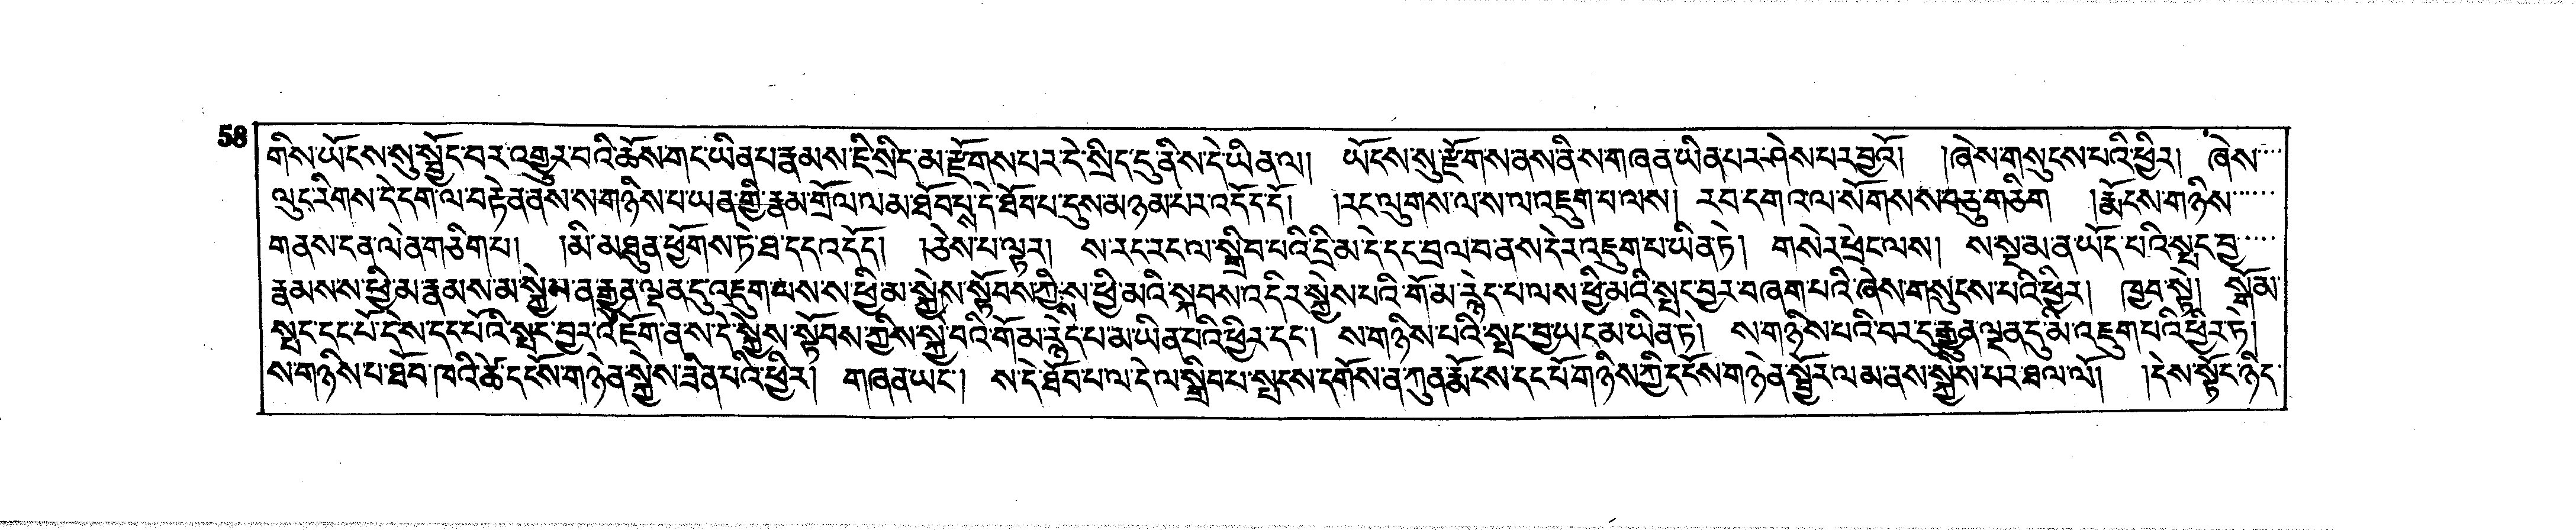གིས་ཡོངས་སུ་སྦྱོང་བར་འགྱུར་བའི་ཆོས་གང་ཡིན་པ་རྣམས་ཇི་སྲིད་མ་རྫོགས་པར་དེ་སྲིད་དུ་ནི་ས་དེ་ཡིན་ལ། ཡོངས་སུ་རྫོགས་ནས་ནི་ས་གཞན་ཡིན་པར་ཤེས་པར་བྱའོ། །ཞེས་གསུངས་པའི་ཕྱིར། ཞེས་
ལུང་རིགས་དེ་དག་ལ་བརྟེན་ནས་ས་གཉིས་པ་ཡན་གྱི་རྣམ་གྲོལ་ལམ་ཐོབ་པས་དེ་ཐོབ་པ་དུས་མཉམ་པར་འདོད་དོ། །རང་ལུགས་ལ་ས་ལ་འཇུག་པ་ལས། རབ་དགའ་ལ་སོགས་ས་བཅུ་གཅིག །རྨོངས་གཉིས་
གནས་ངན་ལེན་གཅིག་པ། །མི་མཐུན་ཕྱོགས་ཏེ་ཐ་དད་འདོད། །ཅེས་པ་ལྟར། ས་རང་རང་ལ་སྒྲིབ་པའི་དྲི་མ་དེ་དང་བྲལ་བ་ནས་དེར་འཇུག་པ་ཡིན་ཏེ། གསེར་ཕྲེང་ལས། ས་སྔ་མ་ན་ཡོད་པའི་སྤང་བྱ་
རྣམས་ས་ཕྱི་མ་རྣམས་མ་སྐྱེས་ན་རྒྱུན་ལྡན་དུ་འཇུག་པས་ས་ཕྱི་མ་སྐྱེས་སྟོབས་ཀྱིས་ས་ཕྱི་མའི་སྐབས་འདིར་སྐྱེས་པའི་གོ་མ་རྙེད་པ་ལས་ཕྱི་མའི་སྤང་བྱར་བཞག་པའི་ཞེས་གསུངས་པའི་ཕྱིར། ཁྱབ་སྟེ། སྒོམ་
སྤང་དང་པོ་དེ་ས་དང་པོའི་སྤང་བྱར་འཇོག་ན་ས་དེ་སྐྱེས་སྟོབས་ཀྱིས་སྐྱེ་བའི་གོམ་རྙེད་པ་མ་ཡིན་པའི་ཕྱིར་དང་། ས་གཉིས་པའི་སྤང་བྱ་ཡང་མ་ཡིན་ཏེ། ས་གཉིས་པའི་བར་དུ་རྒྱུན་ལྡན་དུ་མི་འཇུག་པའི་ཕྱིར་ཏེ།
ས་གཉིས་པ་ཐོབ་ཁའི་ཚེ་དངོས་གཉེན་སྐྱེས་ཟིན་པའི་ཕྱིར། གཞན་ཡང་། ས་དེ་ཐོབ་པ་ལ་དེ་ལ་སྒྲིབ་པ་སྤངས་དགོས་ན་ཀུན་རྨོངས་དང་པོ་གཉིས་ཀྱི་དངོས་གཉེན་སྦྱོར་ལམ་ནས་སྐྱེས་པར་ཐལ་ལོ། །དེས་སྟོང་ཉིད་